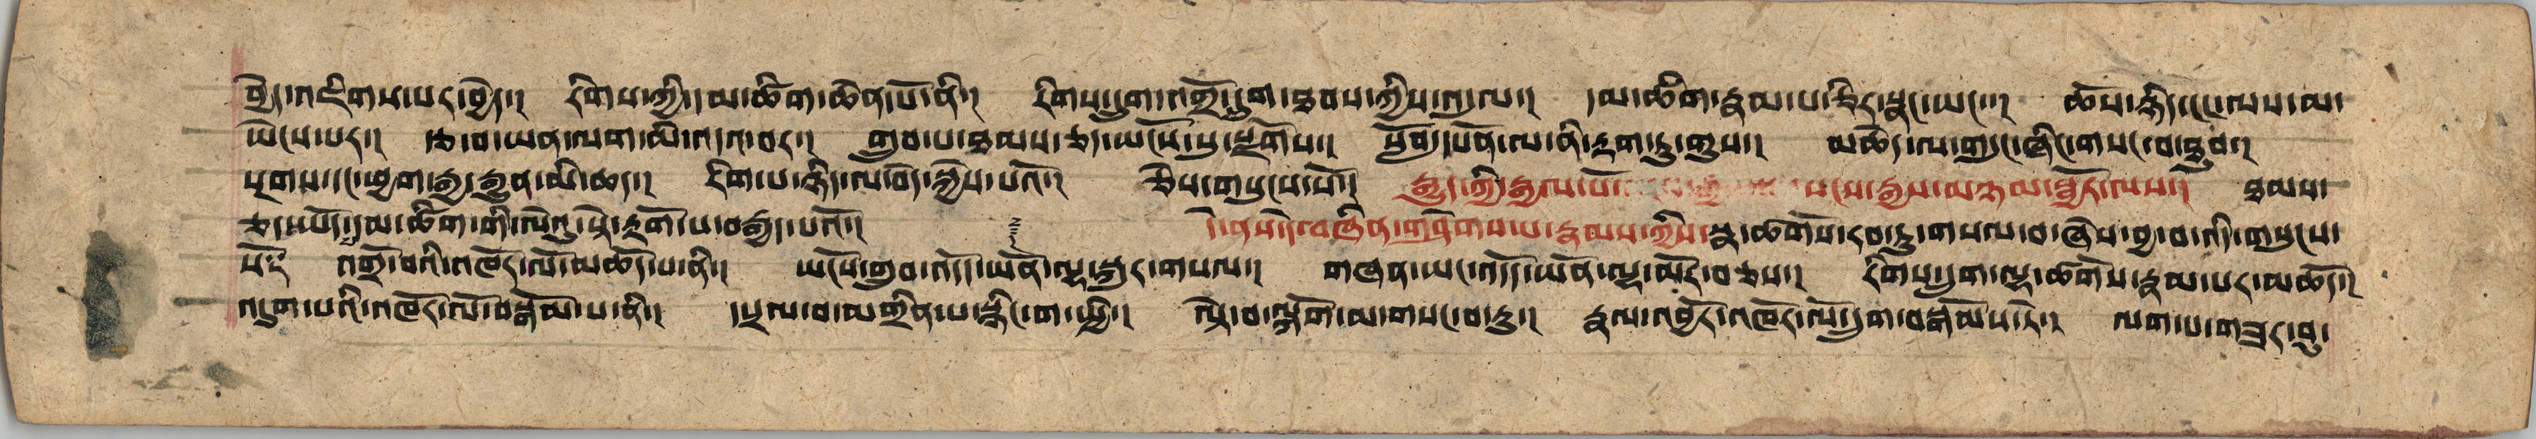བྱེད་འཇིགས་པར་བྱེད་། རིགས་ཀྱི་དམ་ཚིག་ཆེན་པོ་ནི་། རིགས་དྲུག་འགྲོ་དྲུག་ཐབས་ཀྱིས་འདུལ་།་ དམ་ཚིག་རྣམ་པ་ཅིར་སྣང་ཡང་་། ཆོས་ཉིད་ངང་ལས་མ་
ཡེངས་པར་། རྩ་བ་ཡན་ལག་མི་འདའ་བར་། གྲུབ་པ་ཐམས་ཅད་ཡོངས་སུ་སྫོགས་། སློབ་དཔོན་ལ་ནི་རྟག་ཏུ་གུས་། མཆེད་ལ་གདུང་ཞིང་གསང་བ་ཐུབ་།
སྔགས་དང་ཕྱག་རྒྱ་རྒྱུན་མི་ཆད་། རིག་པ་ཉིད་ལ་བདེ་སྐྱེས་པའོ་། ཅེས་གསུངས་སོ་། རྒྱུད་ཀྱི་རྒྱལ་པོ་ སངས་རྒྱས་མཉམ་སྦྱོར་ལས་། ཐམས་
ཅད་ཡོད་པ་དམ་ཚིག་གི་ལེའུ་སྟེ་རྟོག་པ་བརྒྱད་པའོ་། ༈ དེ་ནས་དེ་བཞིན་གཤེགས་པ་རྣམས་ཀྱིས་སྣ་ཚོགས་རབ་ཏུ་གསལ་བ་ཞེས་བྱ་བ་འདི་གསུངས་
སོ༑ འགྲོ་བའི་འཁོར་ལོ་མཆོད་པ་ནི་། ཡོངས་གྲུབ་འདོད་ཡོན་ལྷ་སྐུར་གསལ་། གཞན་ཡང་འདོད་ཡོན་ལྷ་མོར་བཅས་། རིག་དྲུག་ལྷ་ཚོགས་རྣམ་པར་མཆོད་།
འདུག་པའི་འཁོར་ལོ་བསྒོམ་པ་ནི་། དཔྲལ་བ་མགྲིན་པ་སྙིང་ག་སྤྱི་། ལྟེ་བ་ལྐོག་མ་གསང་བ་རུ་། རྣལ་འབྱོར་འཁོར་ལོ་དྲུག་བསྒོམས་ཏེ་། ལག་པ་གཟར་བུ་